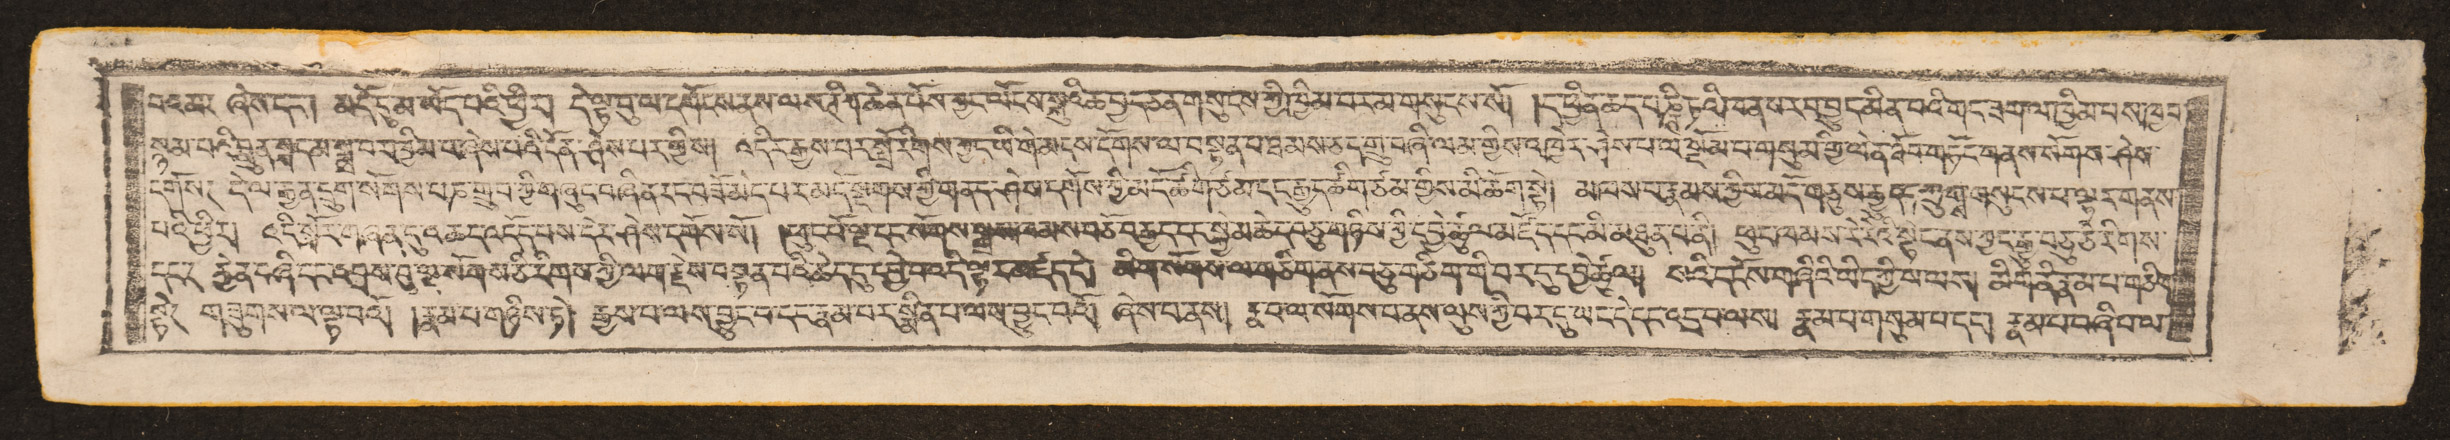བའམ༑ ཞེས་དང་། མདོ་དུ་མ་ཡོད་པའི་ཕྱིར། དེ་ལྟ་བུ་ལ་དགོངས་ནས་ལས་ཊིཀ་ཆེན་པོས་ཀྱང་ལོངས་སྐུའི་ཆ་བྱང་ཅན་གསུངས་ཀྱི་ཁྱིམ་བར་མ་གསུངས་སོ། །ད་ཕྱིན་ཆད་པཎྜི་ཏའི་ཁ་ནས་རབ་བྱུང་མིན་པའི་གང་ཟག་ལ་ཁྱིམ་པས་ཁྱབ་
སྙམ་པའི་བླུན་སླད་མ་སྨ་བར་ཁྱིམ་བ་ཞེས་པའི་དོན་ཤེས་པར་གྱིས། འདིར་རྒྱས་པར་སྤྲོ་རིགས་ཀྱང་ཡི་གེ་མངས་དོགས་ལ་བསྟན་པ་ཐམས་ཅད་གྲུ་བཞི་ལམ་གྱིས་འཁྱེར་ཤེས་པ་ལ་སྡོམ་པ་གསུམ་གྱི་ལེན་ཐོབ་གཏོང་གནས་སོགས་ཤེས་
དགོས༑ དེ་ལ་རྒྱན་དྲུག་སོགས་པཎ་གྲུབ་ཀྱི་གཞུང་བཞིན་རང་བཟོ་མེད་པར་མདོ་སྔགས་ཀྱི་གནད་ཤེས་དགོས་ཀྱི་མདོ་ཚིག་ཙམ་དང་རྒྱུད་ཚིག་ཙམ་གྱིས་མི་ཆོག་སྟེ། མཁས་པ་རྣམས་ཀྱིས་མདོ་གཅུས་རྒྱུད་དཀྲུགས་གསུངས་པ་ལྟར་གནས་
པའི་ཕྱིར། འདི་སྐོར་གཞན་དུ་འཆད་འདོད་པས་དེར་ཤེས་དགོས་སོ། །ཕུང་པོ་ལྔ་དང་སོགས་སྒྲས་ཁམས་བཅོ་བརྒྱད་དང་སྐྱེ་མཆེད་བཅུ་གཉིས་ཀྱི་དབྱེ་ཚུལ་མཇོད་དང་མི་མཐུན་པ་ནི། ཕུང་ཁམས་རེ་རེའི་སྟེང་ནས་ཀྱང་རྒྱུ་བཅུ་ཅི་རིགས་
དང༑ རྐྱེན་བཞི་དང་འབྲས་བུ་ལྔ་སོགས་ཅི་རིགས་ཀྱི་ལག་རྗེས་བསྟན་པའི་ཆེད་དུ་དབྱེ་བ་འདི་ལྟར་མཛད་དེ། མིག་སོགས་ལ་གཅིག་ནས་བཅུ་གཅིག་གི་བར་དུ་དབྱེ་ཚུལ། སའི་དངོས་གཞིའི་ཡིད་ཀྱི་ས་ལས། མིག་ནི་རྣམ་པ་གཅིག་
སྟེ༑ གཟུགས་ལ་ལྟ་བའོ། །རྣམ་པ་གཉིས་ཏེ། རྒྱས་པ་ལས་བྱུང་བ་དང་རྣམ་པར་སྨིན་པ་ལས་བྱུང་བའོ། ཞེས་པ་ནས། རྣ་བ་ལ་སོགས་པ་ནས་ལུས་ཀྱི་བར་དུ་ཡང་དེ་དང་འདྲ་བ་ལས། རྣམ་པ་གསུམ་པ་དང་། རྣམ་པ་བཞི་པ་ལ་